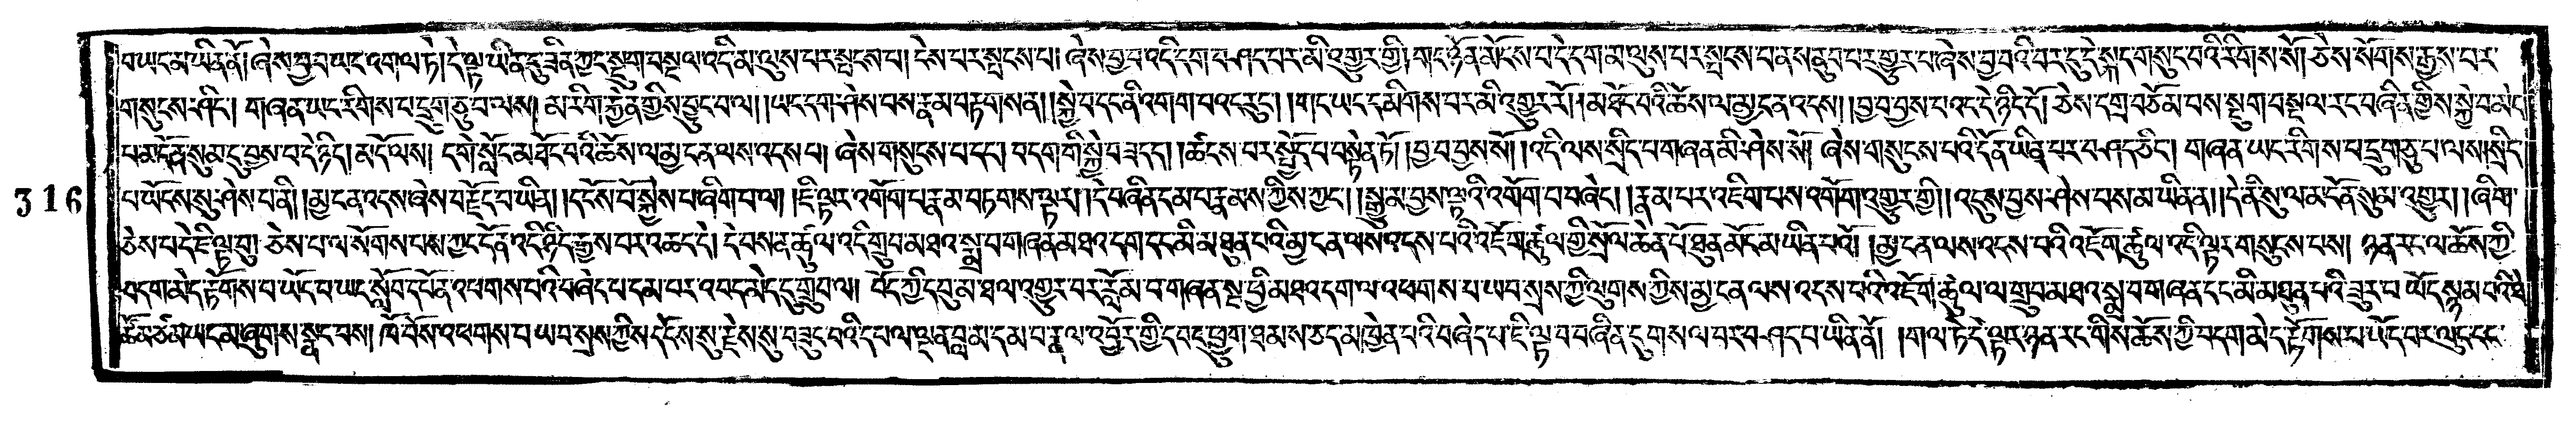བ་ཡང་མ་ཡིན་ནོ། ཞེས་བྱ་བ་ཡང་འགལ་ཏེ། དེ་ལྟ་ཡིན་དུ་ཟིན་ཀྱང་སྡུག་བསྔལ་འདི་མ་ལུས་པར་སྤངས་བ། ངེས་པར་སྤངས་པ། ཞེས་བྱ་བ་འདི་དག་བཤད་པར་མི་འགྱུར་གྱི། གང་ཉོན་མོངས་བ་དེ་དག་མ་ལུས་པར་སྤངས་བ་ནས་ནུབ་པར་གྱུར་པ་ཞེས་བྱ་བའི་བར་དུ་དེ་སྐད་གསུང་བའི་རིགས་སོ། ཅེས་སོགས་རྒྱས་བར་
གསུངས་ཤིང་། གཞན་ཡང་རིགས་པ་དྲུག་ཅུ་བ་ལས། མ་རིག་རྐྱེན་གྱིས་བྱུང་བ་ལ། །ཡང་དག་ཤེས་པས་རྣམ་བརྟགས་ན། །སྐྱེ་བ་དང་ནི་འགག་བའང་རུང་། །གང་ཡང་དམིགས་བར་མི་འགྱུར་རོ། །མཐོང་བའི་ཆོས་ལ་མྱ་ངན་འདས། །བྱ་བ་བྱས་པའང་དེ་ཉིད་དོ། ཅེས་དགྲ་བཅོམ་པས་སྡུག་བསྔལ་རང་བཞིན་གྱིས་སྐྱེ་བ་མེད་
པ་མངོན་སུམ་དུ་བྱས་བ་དེ་ཉིད། མདོ་ལས། དགེ་སློང་མཐོང་བའི་ཆོས་ལ་མྱ་ངན་ལས་འདས་པ། ཞེས་གསུངས་པ་དང་། བདག་གི་སྐྱེ་བ་ཟད་ད། །ཚངས་པར་སྤྱོད་པ་བསྟེན་ཏོ། །བྱ་བ་བྱས་སོ། །འདི་ལས་སྲིད་པ་གཞན་མི་ཤེས་སོ། ཞེས་གསུངས་པའི་དོན་ཡིན་བར་བཤད་ཅིང་། གཞན་ཡང་རིགས་པ་དྲུག་ཅུ་པ་ལས། སྲིད་
པ་ཡོངས་སུ་ཤེས་པ་ནི། །མྱ་ངན་འདས་ཞེས་བརྗོད་པ་ཡིན། །དངོས་པོ་སྐྱེས་པ་ཞིག་པ་ལ། །ཇི་ལྟར་འགོག་པ་རྣམ་བཏགས་ལྟར། །དེ་བཞིན་དམ་པ་རྣམས་ཀྱིས་ཀྱང་། །སྒྱུ་མ་བྱས་ལྟའི་འགོག་པ་བཞེད། །རྣམ་པར་འཇིག་པས་འགོག་འགྱུར་གྱི། །འདུས་བྱས་ཤེས་བས་མ་ཡིན་ན། །དེ་ནི་སུ་ལ་མངོན་སུམ་འགྱུར། །ཞིག་
ཅེས་པ་དེ་ཇི་ལྟ་བུ། ཅེས་པ་ལ་སོགས་པས་ཀྱང་དོན་འདི་ཉིད་རྒྱས་པར་འཆད་དེ། དེ་བས་ན་ཚུལ་འདི་གྲུབ་མཐའ་སྨྲ་བ་གཞན་མཐའ་དག་དང་མི་མཐུན་པའི་མྱ་ངན་ལས་འདས་པའི་འཇོག་ཚུལ་གྱི་སྲོལ་ཆེན་པོ་ཐུན་མོང་མ་ཡིན་པའོ། །མྱ་ངན་ལས་འདས་པའི་འཇོག་ཚུལ་འདི་ལྟར་གསུངས་པས། ཉན་རང་ལ་ཆོས་ཀྱི་
བདག་མེད་རྟོགས་པ་ཡོད་པ་ཡང་སློབ་དཔོན་འཕགས་པའི་བཞེད་པ་དམ་པར་འབད་མེད་དུ་གྲུབ་ལ། བོད་ཀྱི་དབུ་མ་ཐལ་འགྱུར་བར་རློམ་བ་གཞན་སྔ་ཕྱི་མཐའ་དག་ལ་འཕགས་པ་ཡབ་སྲས་ཀྱི་ལུགས་ཀྱིས་མྱ་ངན་ལས་འདས་པའི་འཇོག་ཚུལ་ལ་གྲུབ་མཐའ་སྨྲ་བ་གཞན་དང་མི་མཐུན་པའི་ཟུར་བ་ཡོད་སྙམ་པའི་ཐེ་
ཚོམ་ཙམ་ཡང་མ་ཞུགས་སྣང་བས། ཁོ་བོས་འཕགས་པ་ཡབ་སྲས་ཀྱིས་དངོས་སུ་རྗེས་སུ་བཟུང་པའི་དཔལ་ལྡན་བླ་མ་དམ་བ་རྣལ་འབྱོར་གྱི་དབང་ཕྱུག་ཐམས་ཅད་མཁྱེན་པའི་བཞེད་པ་ཇི་ལྟ་བ་བཞིན་དུ་གསལ་བར་བཤད་པ་ཡིན་ནོ། །གལ་ཏེ་དེ་ལྟར་ཉན་རང་གིས་ཆོས་ཀྱི་བདག་མེད་རྟོགས་པ་ཡོད་པར་ལུང་དང་